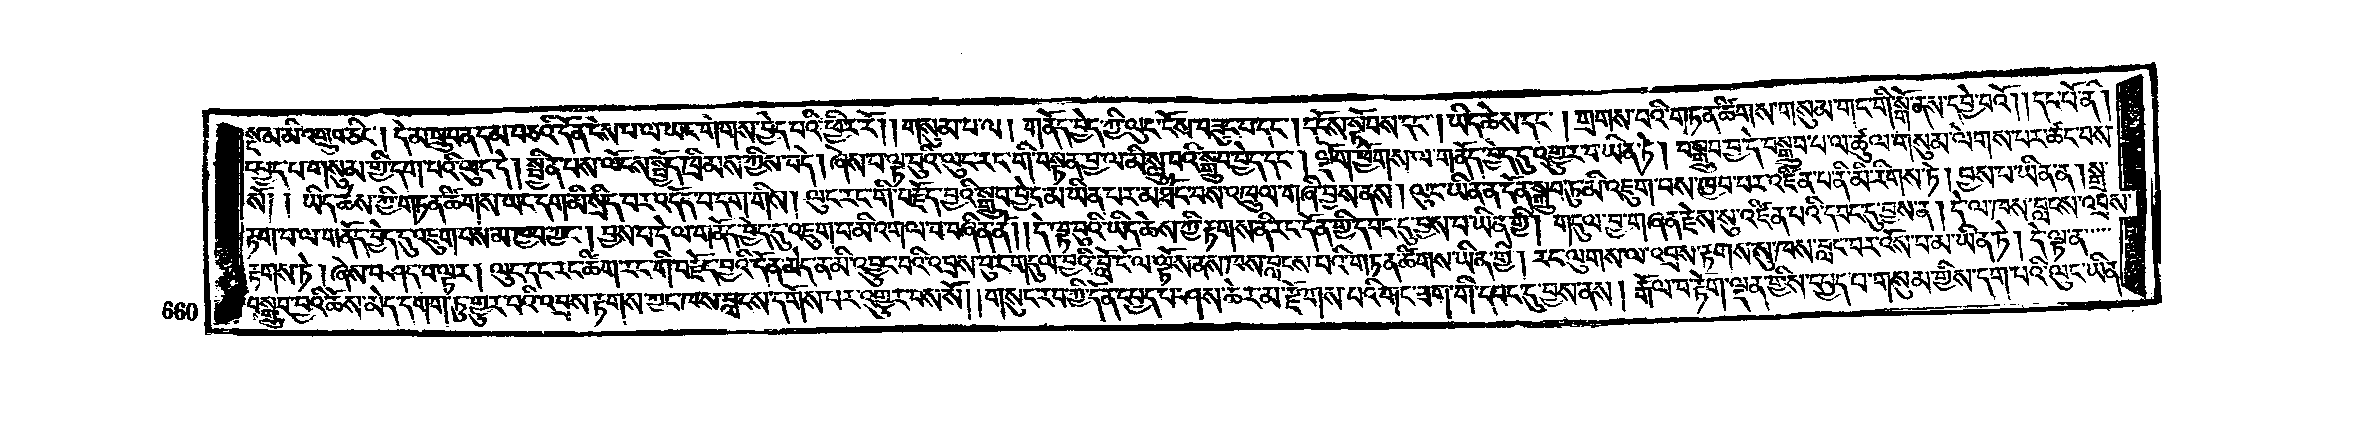སྔ་མ་མི་འགྲུབ་ཅིང་། དེ་མ་གྲུབ་ན་དམ་བཅའི་དོན་ངེས་པ་ལ་ཡང་གེགས་བྱེད་པའི་ཕྱིར་རོ། །གསུམ་པ་ལ། གནོད་བྱེད་ཀྱི་ལུང་ངོས་བཟུང་བ་དང་། དངོས་སྟོབས་དང་། ཡིད་ཆེས་དང་། གྲགས་པའི་གཏན་ཚིགས་གསུམ་གང་གི་སྒོ་ནས་དབྱེ་བའོ། །དང་པོ་ནི།
དཔྱད་པ་གསུམ་གྱི་དག་པའི་ལུང་དེ། སྦྱིན་པས་ལོངས་སྤྱོད་ཁྲིམས་ཀྱིས་བདེ། ཞེས་པ་ལྟ་བུའི་ལུང་རང་གི་བསྟན་བྱ་ལ་མི་སླུ་བའི་སྒྲུབ་བྱེད་དང་། ལྡོག་ཕྱོགས་ལ་གནོད་བྱེད་དུ་འགྱུར་པ་ཡིན་ཏེ། བསྒྲུབ་བྱ་དེ་བསྒྲུབ་པ་ལ་ཚུལ་གསུམ་ལེགས་པར་ཚང་བས་
སོ༑ ༑ཡིད་ཆོས་ཀྱི་གཏན་ཚིགས་ཡང་དག་མི་སྲིད་པར་འདོད་པ་དག་གིས། ལུང་རང་གི་བརྗོད་བྱའི་སྒྲུབ་བྱེད་མ་ཡི་པར་མཐོང་བས་འཁྲུལ་གཞི་བྱེས་ནས། ལུང་ཡིན་ན་དོན་སྒྲུབ་ཏུ་མི་འཇུག་པས་ཁྱབ་པར་འཛིན་པ་ནི་མི་རིགས་ཏེ། བྱས་པ་ཡིན་ན། སྒྲ་
རྟག་པ་ལ་གནོད་བྱེད་དུ་འཇུག་པས་མ་ཁྱབ་ཀྱང་། བྱས་པ་དེ་ལ་གནོད་བྱེད་དུ་འཇུག་པ་མ་འགལ་བ་བཞིན་ནོ། །དེ་ལྟ་བུའི་ཡིད་ཆོས་ཀྱི་རྟགས་ནི་རང་དོན་གྱི་དབང་དུ་བྱས་པ་ཡིན་གྱི་།གདུལ་བྱ་གཞན་རྗེས་སུ་འཛིན་པའི་དབང་དུ་བྱས་ན། དེ་ལ་ཁས་བླངས་འབྲས་
རྟགས་ཏེ། ཞེས་བཤད་པ་ལྟར། ལུང་དང་རང་ཚིག་རང་གི་བརྗོད་བྱའི་དོན་མེད་ན་མི་འབྱུང་བའི་འབྲས་བུར་གདུལ་བྱའི་བློ་ངོ་ལ་ལྟོས་ནས་ཁས་བླངས་པའི་གཏན་ཚིགས་ཡིན་གྱི་།རང་ལུགས་ལ་འབྲས་རྟགས་སུ་ཁས་བླང་བར་འོས་པ་མ་ཡིན་ཏེ། དེ་ལྟ་ན་
བསྒྲུབ་བྱའི་ཆོས་མེད་དགག་ཏུ་གྱུར་པའི་འབྲས་རྟགས་ཀྱང་ཁས་བླངས་དགོས་པར་འགྱུར་བས་སོ། །གསུང་རབ་ཀྱི་དོན་དཔྱད་པ་ཤས་ཆེར་མ་རྫོགས་པའི་གང་ཟག་གི་དབང་དུ་བྱས་ནས། རྒོལ་བ་རྟོག་ལྡན་གྱིས་དཔྱད་པ་གསུམ་གྱིས་དག་པའི་ལུང་ཡིན་